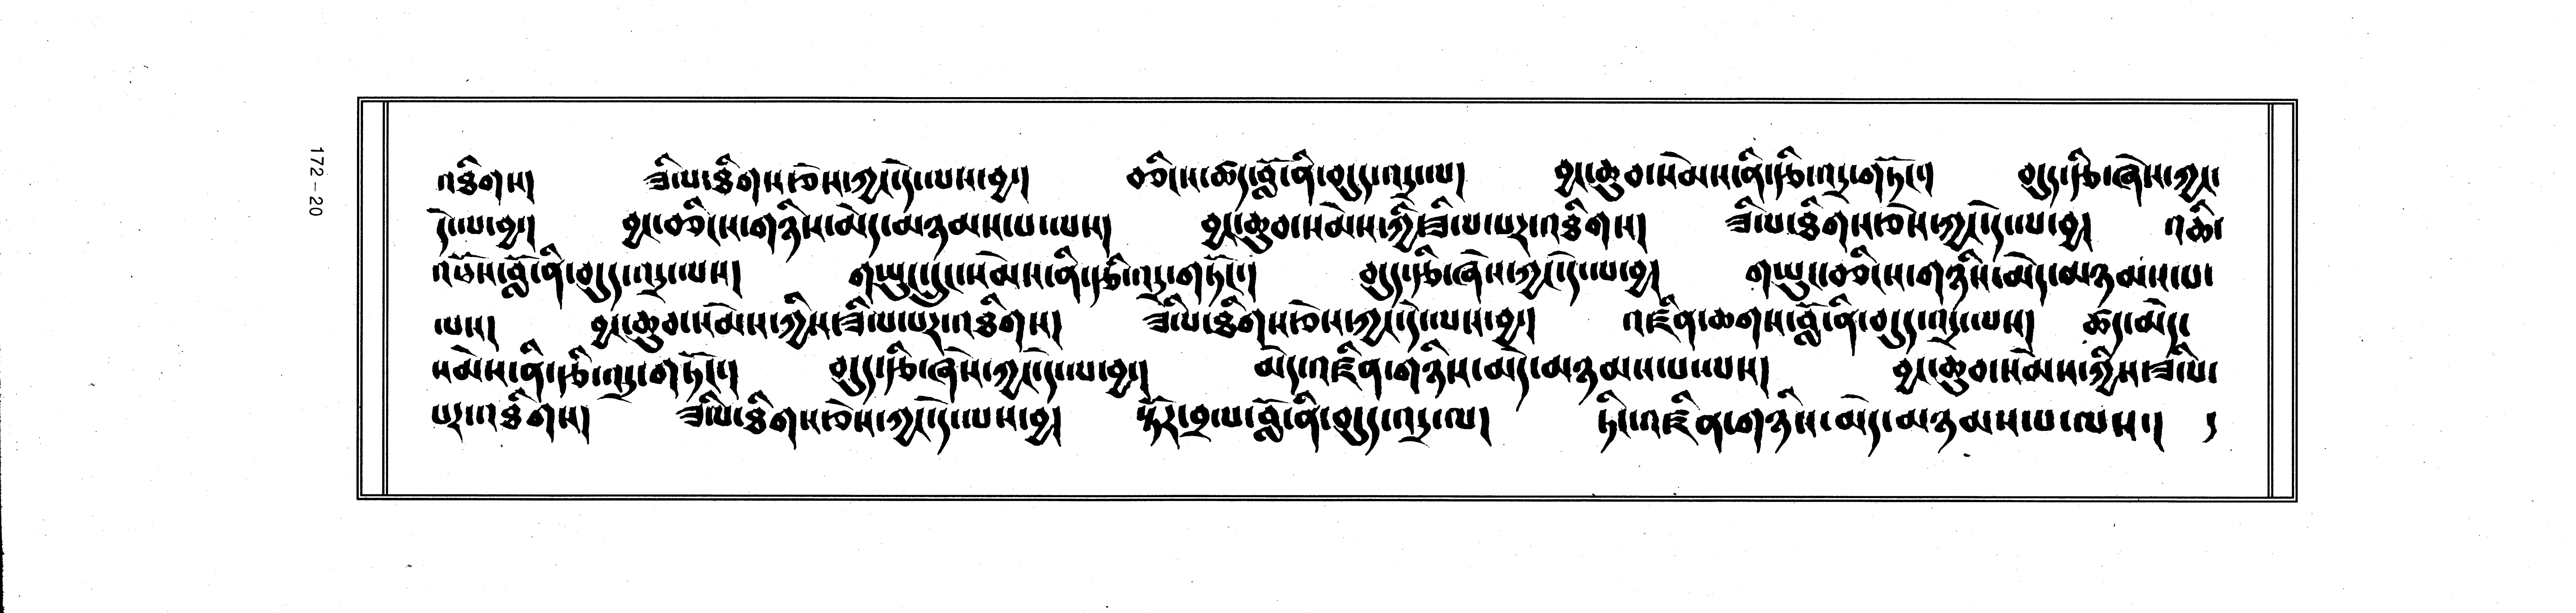འཐིགས། ཟིལ་ཐིགས་ཅེས་ཀྱང་དེ་ལ་བྱ། བཅིངས་ཚད་བློ་ནི་བདུད་འདྲ་ལ། བྱང་ཆུབ་སེམས་ནི་རྩི་འདྲ་གཏོང་། བདུད་རྩི་ཞེས་ཀྱང་
དེ་ལ་བྱ། བྱངས་བཅིངས་གཉིས་མེད་མཉམས་པ་ལས། བྱང་ཆུབ་སེམས་ཀྱི་ཟིལ་པར་འཐིགས། ཟིལ་ཐིགས་ཅེས་ཀྱང་དེ་ལ་བྱ། འཆི་
འཕོས་བློ་ནི་བདུད་འདྲ་ལ། གཡུང་དྲུང་སེམས་ནི་རྩི་འདྲ་གཏོང་། བདུད་རྩི་ཞེས་ཀྱང་དེ་ལ་བྱ། གཡུང་བཅིངས་གཉིས་མེད་མཉམས་པ་
ལས། བྱང་ཆུབ་སེམས་ཀྱི་ཟིལ་པར་འཐིགས། ཟིལ་ཐིགས་ཅེས་ཀྱང་དེ་ལ་བྱ། འཛིན་ཆགས་བློ་ནི་བདུད་འདྲ་ལ། ཚད་མེད་
སེམས་ནི་རྩི་འདྲ་གཏོང་། བདུད་རྩི་ཞེས་ཀྱང་དེ་ལ་བྱ། མེད་འཛིན་གཉིས་མེད་མཉམས་པ་ལས། བྱང་ཆུབ་སེམས་ཀྱི་ཟིལ་
པར་འཐིགས། ཟིལ་ཐིགས་ཅེས་ཀྱང་དེ་ལ་བྱ། སྟོར་བྲལ་བློ་ནི་བདུད་འདྲ་ལ། ཏིང་འཛིན་གཉིས་མེད་མཉམས་པ་ལས།